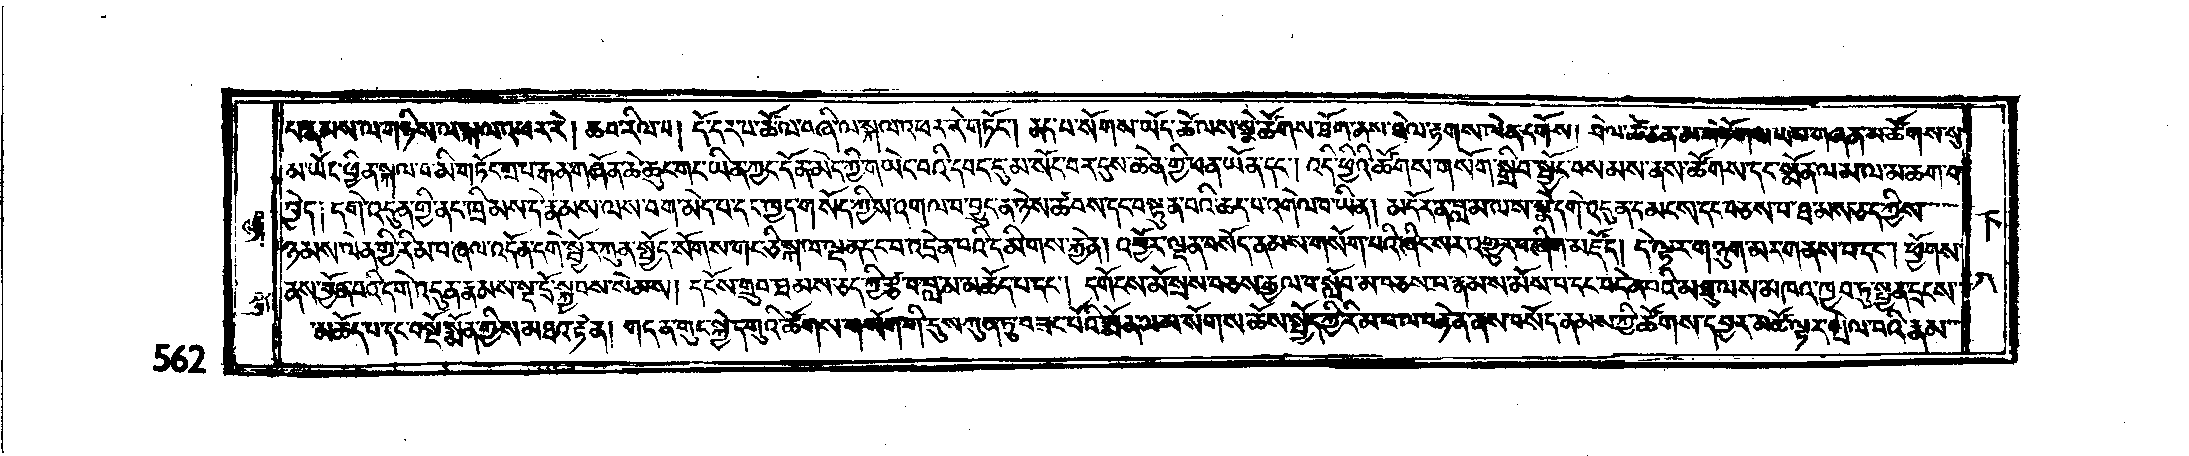པ་རྣམས་ལ་གཉིས་ལ་སྐལ་འཕར་རེ། ཆབ་རིལ་པ། དོ་དར་པ་ཚོ་ལ་བཞི་ལ་སྐལ་འཕར་རེ་གཏོང་། ནད་པ་སོགས་ཡོད་ཚེ་ལས་སྣེ་ཚོགས་ཐོག་ནས་ཐེལ་རྟགས་ལེན་དགོས། བེལ་ཚེ་ཅན་མ་གེ་ཏོགས་ཡབ་གཞན་མ་ཚོགས་སུ་
མ་ཡོང་ཕྱིན་སྐལ་བ་མི་གཏོང་གྲ་པ་རྒན་གཞོན་ཆེ་ཆུང་གང་ཡིན་ཀྱང་དོན་མེད་ཀྱི་གཡེང་བའི་དབང་དུ་མ་སོང་བར་དུས་ཆེན་གྱི་ཕན་ཡོན་དང་། འདི་ཕྱིའི་ཚོགས་གསོག་སྒྲིབ་སྦྱོང་བསམས་ནས་ཚོགས་དང་སྨོན་ལམ་ལ་མ་ཆག་བ་
བྱེད། དགེ་འདུན་གྱི་ནང་ཁྲིམས་དེ་རྣམས་ལས་བག་མེད་པ་དང་ཁྱད་གསོད་ཀྱིས་འགལ་བ་བྱུང་ན་ཉེས་ཚབས་དང་བསྟུན་པའི་ཆད་པ་འགེལ་བ་ཡིན། མདོར་ན་བླ་མ་ལས་སྣེ་དགེ་འདུན་དམངས་དང་བཅས་པ་ཐམས་ཅད་ཀྱིས་
ཉམས་ལེན་གྱི་རིམ་པ་ཞལ་འདོན་དགེ་སྦྱོར་ཀུན་སྤྱོད་སོགས་གང་ཅི་སྐལ་ལྡན་དང་བ་འདྲེན་པའི་དམིགས་རྐྱེན། འབྱོར་ལྡན་བསོད་ནམས་གསོག་པའི་ཞིང་སར་འགྱུར་བ་ཞིག་མཛོད། དེ་ལྟར་གཉུག་མར་གནས་པ་དང་། ཕྱོགས་
ནས་བྱོན་པའི་དགེ་འདུན་རྣམས་སྔ་དྲོ་སྐྱབས་སེམས། དངོས་གྲུབ་ཐམས་ཅད་ཀྱི་རྩ་བ་བླ་མ་མཆོད་པ་དང་། དགོངས་མོ་སྲས་བཅས་རྒྱལ་བ་སློབ་མ་བཅས་པ་རྣམས་མོས་པ་དང་བདེན་པའི་མཐུ་ལས་མཁའ་ཁྱབ་ཏུ་སྤྱན་དྲངས་
མཆོད་པ་དང་བསྔོ་སྨོན་གྱིས་མཐའ་རྟེན། གདན་གུང་སྐྱེ་དགུའི་ཚོགས་གཡོག་གི་དུས་ཀུན་ཏུ་བཟང་པོའི་སྨོན་ལམ་སོགས་ཆོས་སྤྱོད་ཀྱི་རིམ་པ་ལ་བརྟེན་ནས་བསོད་ནམས་ཀྱི་ཚོགས་དབྱར་མཚོ་ལྟར་སྤེལ་བའི་རྣམ་